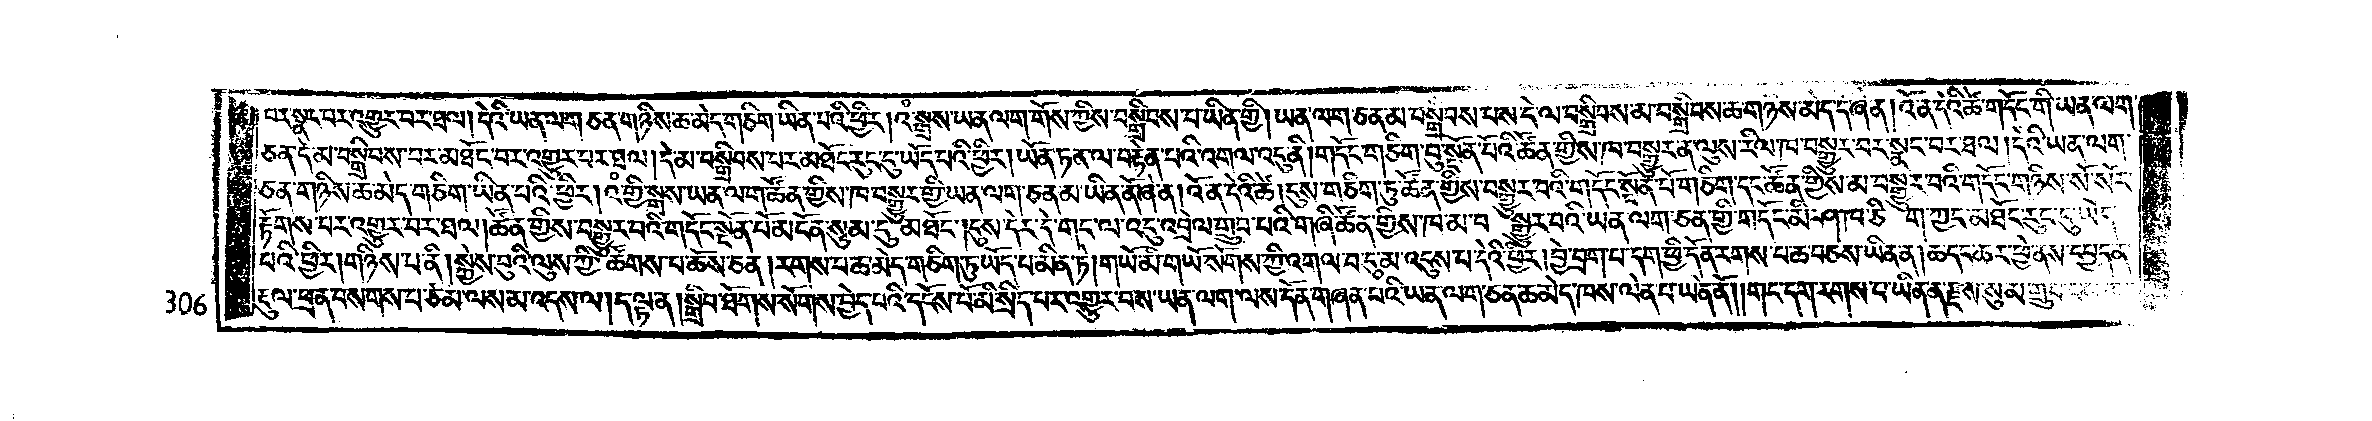པར་སྣང་བར་འགྱུར་བར་ཐལ། དེའི་ཡན་ལག་ཅན་གཉིས་ཆ་མེད་གཅིག་ཡིན་པའི་ཕྱིར། འཾ་སྒྲས་ཡན་ལག་གོས་ཀྱིས་བསྒྲིབས་པ་ཡིན་གྱི། ཡན་ལག་ཅན་མ་བསྒྲིབས་པས་དེ་ལ་བསྒྲིབས་མ་བསྒྲིབས་ཆ་གཉིས་མེད་དོ་ཞེ་ན། འོ་ན་དེའི་ཚེ་གདོང་གི་ཡན་ལག་
ཅན་དེ་མ་བསྒྲིབས་པར་མཐོང་བར་འགྱུར་པར་ཐལ། དེ་མ་བསྒྲིབས་པར་མཐོང་རུང་དུ་ཡོད་པའི་ཕྱིར། ཡོན་ཏན་ལ་བརྟེན་པའི་འགལ་འདུ་ནི། གདོང་གཅིག་བུ་སྔོན་པོའི་ཚོན་གྱིས་ཁ་བསྒྱུར་ན་ལུས་རིལ་ཁ་བསྒྱུར་བར་སྣང་བར་ཐལ། དེའི་ཡན་ལག་
ཅན་གཉིས་ཆ་མེད་གཅིག་ཡིན་པའི་ཕྱིར། འཾ་གྱི་སྒྲས་ཡན་ལག་ཚོན་གྱིས་ཁ་བསྒྱུར་གྱི་ཡན་ལག་ཅན་མ་ཡིན་ནོ་ཞེ་ན། འོ་ན་དེའི་ཚེ། དུས་གཅིག་ཏུ་ཚོན་གྱིས་བསྒྱུར་བའི་གདོང་སྔོན་པོ་གཅིག་དང་ཚོན་གྱིས་མ་བསྒྱུར་བའི་གདོང་གཉིས་སོ་སོར་
རྟོགས་པར་འགྱུར་བར་ཐལ། ཚོན་གྱིས་བསྒྱུར་བའི་གདོང་སྔོན་པོ་མངོན་སུམ་དུ་མཐོང་། དུས་དེར་དེ་གང་ལ་འདུ་འབྲེལ་གྲུབ་པའི་གཞི་ཚོན་གྱིས་ཁ་མ་བསྒྱུར་བའི་ཡན་ལག་ཅན་གྱི་གདོང་མི་ཤ་ཁ་ཅིག་ཀྱང་མཐོང་རུང་དུ་ཡོད་
པའི་ཕྱིར། གཉིས་པ་ནི། སྐྱེས་བུའི་ལུས་ཀྱི་ཚོགས་པ་ཆོས་ཅན། རགས་པ་ཆ་མེད་གཅིག་ཏུ་ཡོད་པ་མིན་ཏེ། གཡོ་མི་གཡོ་སོགས་ཀྱི་འགལ་བ་དུ་མ་འདུས་པ་དེའི་ཕྱིར། བྱེ་བྲག་པ་དག་ཕྱི་དོན་རགས་པ་ཆ་བཅས་ཡིན་ན། ཆ་དང་ཆར་ཕྱེ་ནས་དཔྱད་ན་
རྡུལ་ཕྲན་བསགས་པ་ཙམ་ལས་མ་འདས་ལ། ད་ལྟ་ན་།སྒྲིབ་ཐོགས་སོགས་བྱེད་པའི་དངོས་པོ་མི་སྲིད་པར་འགྱུར་བས་ཡན་ལག་ལས་དོན་གཞན་པའི་ཡན་ལག་ཅན་ཆ་མེད་ཁས་ལེན་པ་ཡིན་ནོ། །གང་དག་རགས་པ་ཡིན་ན་རྫས་སུ་མ་གྲུབ་པས་ཁྱབ་